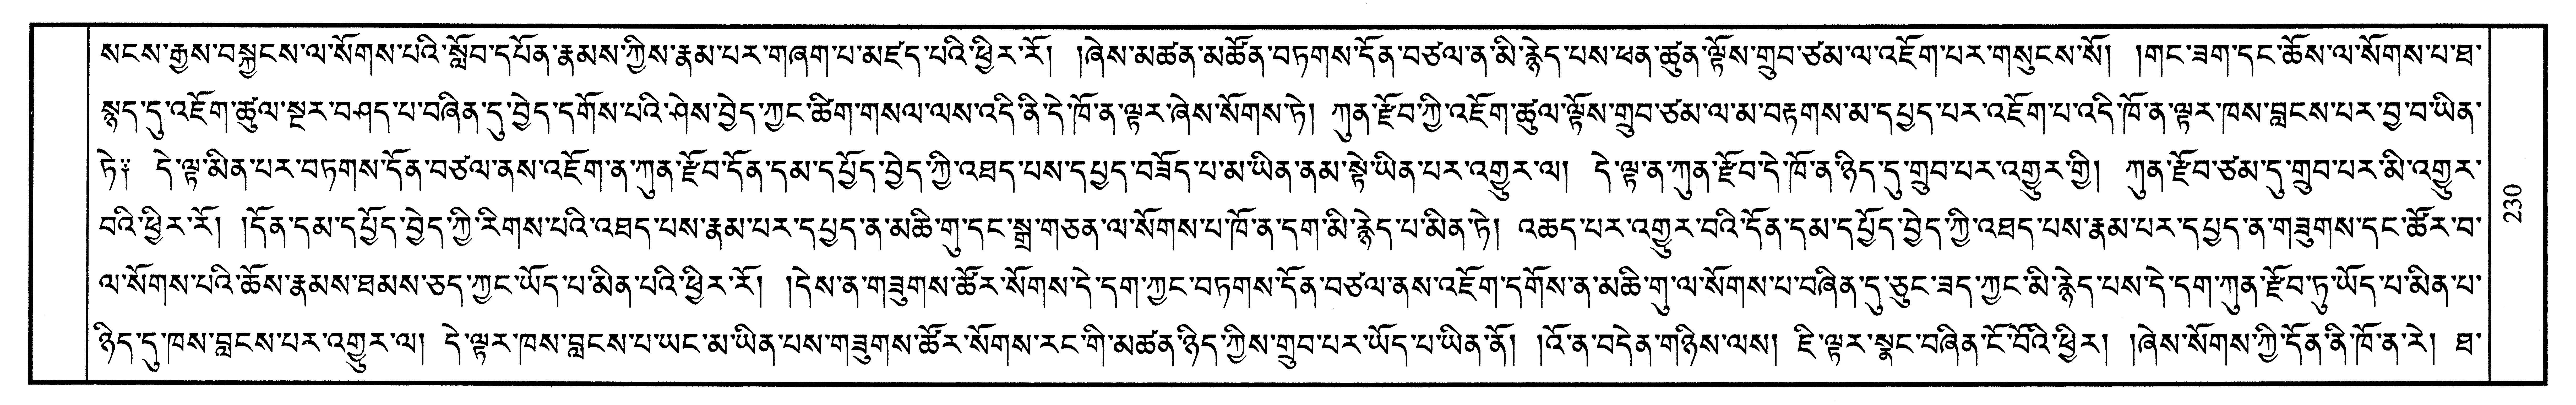སངས་རྒྱས་བསྐྱངས་ལ་སོགས་པའི་སློབ་དཔོན་རྣམས་ཀྱིས་རྣམ་པར་གཞག་པ་མཛད་པའི་ཕྱིར་རོ། །ཞེས་མཚན་མཚོན་བཏགས་དོན་བཙལ་ན་མི་རྙེད་པས་ཕན་ཚུན་ལྟོས་གྲུབ་ཙམ་ལ་འཇོག་པར་གསུངས་སོ། །གང་ཟག་དང་ཆོས་ལ་སོགས་པ་ཐ་
སྙད་དུ་འཇོག་ཚུལ་སྔར་བཤད་པ་བཞིན་དུ་བྱེད་དགོས་པའི་ཤེས་བྱེད་ཀྱང་ཚིག་གསལ་ལས་འདི་ནི་དེ་ཁོ་ན་ལྟར་ཞེས་སོགས་ཏེ། ཀུན་རྫོབ་ཀྱི་འཇོག་ཚུལ་ལྟོས་གྲུབ་ཙམ་ལ་མ་བརྟགས་མ་དཔྱད་པར་འཇོག་པ་འདི་ཁོ་ན་ལྟར་ཁས་བླངས་པར་བྱ་བ་ཡིན་
ཏེ༑ དེ་ལྟ་མིན་པར་བཏགས་དོན་བཙལ་ནས་འཇོག་ན་ཀུན་རྫོབ་དོན་དམ་དཔྱོད་བྱེད་ཀྱི་འཐད་པས་དཔྱད་བཟོད་པ་མ་ཡིན་ནམ་སྟེ་ཡིན་པར་འགྱུར་ལ། དེ་ལྟ་ན་ཀུན་རྫོབ་དེ་ཁོ་ན་ཉིད་དུ་གྲུབ་པར་འགྱུར་གྱི། ཀུན་རྫོབ་ཙམ་དུ་གྲུབ་པར་མི་འགྱུར་
བའི་ཕྱིར་རོ། །དོན་དམ་དཔྱོད་བྱེད་ཀྱི་རིགས་པའི་འཐད་པས་རྣམ་པར་དཔྱད་ན་མཆི་གུ་དང་སྒྲ་གཅན་ལ་སོགས་པ་ཁོ་ན་དག་མི་རྙེད་པ་མིན་ཏེ། འཆད་པར་འགྱུར་བའི་དོན་དམ་དཔྱོད་བྱེད་ཀྱི་འཐད་པས་རྣམ་པར་དཔྱད་ན་གཟུགས་དང་ཚོར་བ་
ལ་སོགས་པའི་ཆོས་རྣམས་ཐམས་ཅད་ཀྱང་ཡོད་པ་མིན་པའི་ཕྱིར་རོ། །དེས་ན་གཟུགས་ཚོར་སོགས་དེ་དག་ཀྱང་བཏགས་དོན་བཙལ་ནས་འཇོག་དགོས་ན་མཆི་གུ་ལ་སོགས་པ་བཞིན་དུ་ཅུང་ཟད་ཀྱང་མི་རྙེད་པས་དེ་དག་ཀུན་རྫོབ་ཏུ་ཡོད་པ་མིན་པ་
ཉིད་དུ་ཁས་བླངས་པར་འགྱུར་ལ། དེ་ལྟར་ཁས་བླངས་པ་ཡང་མ་ཡིན་པས་གཟུགས་ཚོར་སོགས་རང་གི་མཚན་ཉིད་ཀྱིས་གྲུབ་པར་ཡོད་པ་ཡིན་ནོ། །འོ་ན་བདེན་གཉིས་ལས། ཇི་ལྟར་སྣང་བཞིན་ངོ་བོའི་ཕྱིར། །ཞེས་སོགས་ཀྱི་དོན་ནི་ཁོ་ན་རེ། ཐ་